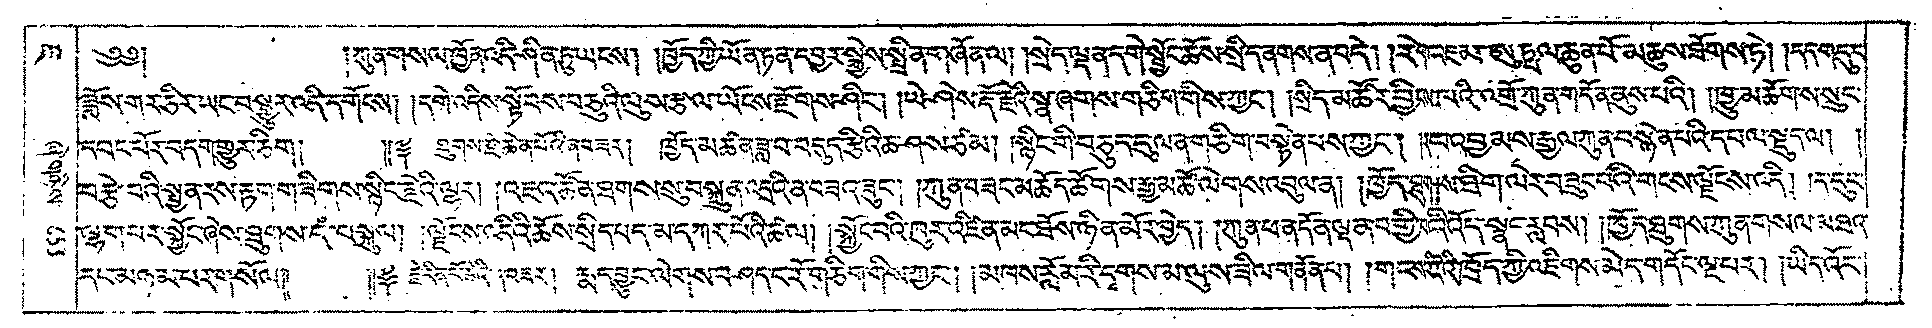༄༅། །ཀུན་གསལ་ཁྱོན་འདི་ཤིན་ཏུ་ཡངས། །ཁྱོད་ཀྱི་ཡོན་ཏན་དབྱར་སྐྱེས་སྤྲིན་གཞོན་ལ། །སྲེད་ལྡན་དགེ་སྦྱོང་ཆོས་སྲིད་ནགས་ན་བདེ། །རེག་འཇམ་ཨུཏྤལ་ཆུན་པོ་མཆུས་ཐོགས་ཏེ། །དད་གདུང་
ཟློས་གར་ཅིར་ཡང་བསྒྱུར་འདི་དགོངས། །དགེ་འདིས་སྟོབས་བཅུའི་ལུས་རྩལ་ཡོངས་རྫོགས་ཤིང་། །ཡེ་ཤེས་རྡོ་རྗེའི་སྣ་ཞགས་གཅིག་གིས་ཀྱང་། །སྲིད་མཚོར་བྱིངས་པའི་འགྲོ་ཀུན་གདོན་ནུས་པའི། །ཁྱུ་མཆོག་ས་སྲུང་
དབང་པོར་བདག་གྱུར་ཅིག ། །། ༈ ཐུགས་རྗེ་ཆེན་པོའི་ན་བཟར།  ཁྱོད་མཚན་ཟླ་བ་བདུད་རྩིའི་ཆ་ཤས་ཙམ། །སྙིང་གི་བཅུད་དུ་ལན་གཅིག་བསྟེན་པས་ཀྱང་། །རབ་འབྱམས་རྒྱལ་ཀུན་བསྙེན་པའི་དཔལ་སྡུད་ལ། །
བརྩེ་བའི་སྤྱན་རས་རྟག་གཟིགས་སྙིང་རྗེའི་ལྷར། །འཇའ་ཚོན་ཐགས་སུ་བསྐྲུན་འདྲའི་ན་བཟའ་ཟུང་། །ཀུན་བཟང་མཆོད་ཚོགས་རྒྱ་མཚོ་ལེགས་འབུལ་ན། །ཁྱོད་ཐུགས་ཐིག་ལེར་བཟུང་བའི་གངས་ལྗོངས་འདི། །ད་དུང་
ལྷག་པར་སྐྱོང་ཞེས་ཐུགས་དཾ་བསྐུལ། །ལྗོངས་འདིའི་ཆོས་སྲིད་པད་མ་དཀར་པོའི་ཚལ། །སྐྱོང་བའི་ཁུར་འཛིན་མང་ཐོས་ཉིན་མོར་བྱེད། །ཀུན་ཕན་དོན་ལྡན་བགྱི་བའི་འོད་སྣང་རླབས། །ཁྱོད་ཐུགས་ཀུན་གསལ་མཐའ་
དང་མཉམ་པར་གསོལ།། །། ༈ རྗེ་རིན་པོ་ཆེའི་ན་བཟར།  རྨད་བྱུང་ལེགས་བཤད་ང་རོ་གཅིག་གིས་ཀྱང་། །མཁས་རློམ་རི་དྭགས་མ་ལུས་ཟིལ་གནོན་པ། །གངས་རིའི་ཁྲོད་ཀྱི་འཇིགས་མེད་གདོང་ལྔ་པར། །ཡིད་འོང་